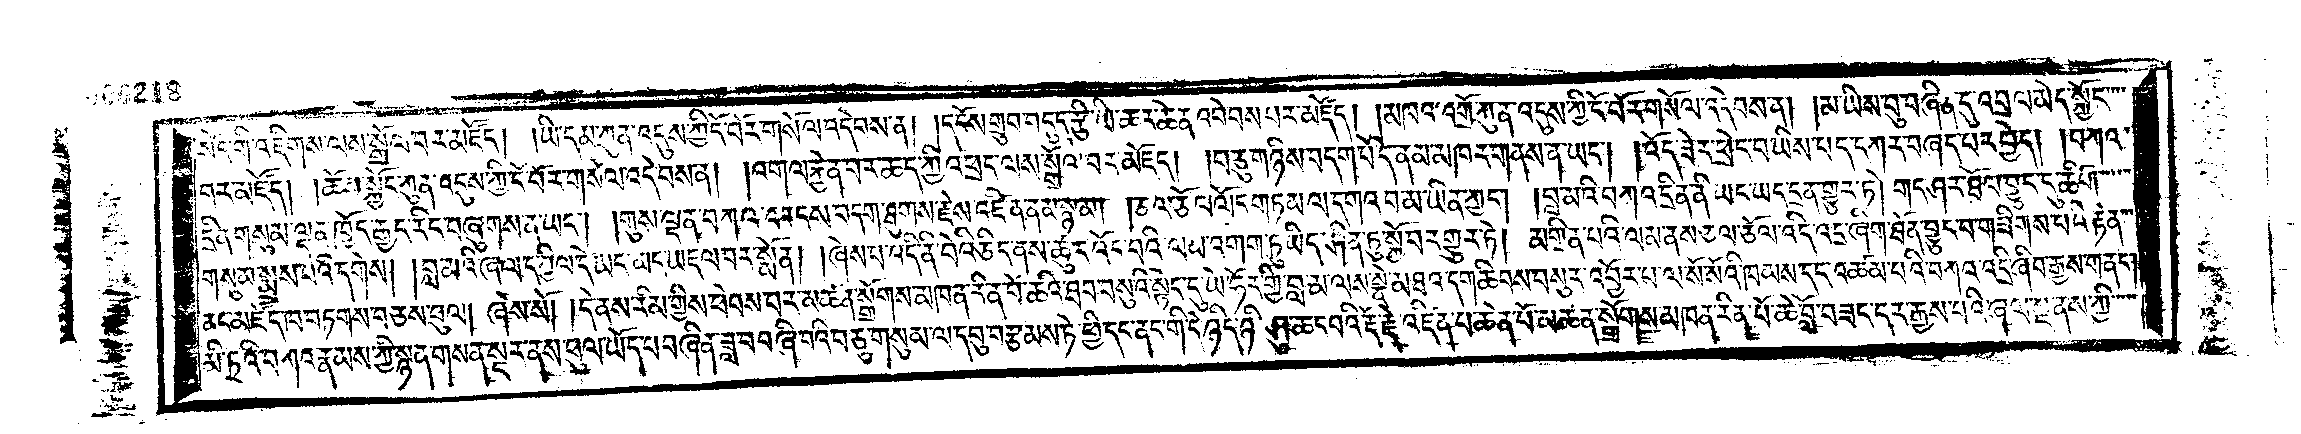སོང་གི་འཇིགས་ལས་སྒྲོལ་བར་མཛོད། །ཡི་དམ་ཀུན་འདུས་ཀྱི་ངོ་བོར་གསོལ་འདེབས་ན། །དངོས་གྲུབ་བདུད་རྩི་ཡི་ཆར་ཆེན་འབེབས་པར་མཛོད། །མཁའ་འགྲོ་ཀུན་འདུས་ཀྱི་ངོ་བོར་གསོལ་འདེབས་ན། །མ་ཡིས་བུ་བཞིན་དུ་འབྲལ་མེད་སྐྱོང་
བར་མཛོད། །ཆོས་སྐྱོང་ཀུན་འདུས་ཀྱི་ངོ་བོར་གསོལ་འདེབས་ན། །འགལ་རྐྱེན་བར་ཆད་ཀྱི་འཕྲང་ལས་སྒྲོལ་བར་མཛོད། །བཅུ་གཉིས་བདག་པོ་དེ་ནམ་མཁར་གནས་ན་ཡང་། །འོད་ཟེར་ཕྲེང་བ་ཡིས་པད་དཀར་བཞད་པར་བྱེད། །བཀའ་
དྲིན་གསུམ་ལྡན་ཁྱོད་རྒྱང་རིང་བཞུགས་ན་ཡང་། །གུས་ལྡན་བཀའ་འབངས་བདག་ཐུགས་རྗེས་འཛིན་ནམ་སྙམ། །ཅལ་ཅོལ་ལོང་གཏམ་ལ་དགའ་བ་མ་ཡིན་ཀྱང་། །བླ་མའི་བཀའ་དྲིན་ནི་ཡང་ཡང་དྲན་གྱུར་ཏེ། གང་ཤར་ཐོལ་བྱུང་དུ་ཚིག་
གསུམ་སྨྲས་པའི་དགེས། །བླ་མའི་ཞལ་དཀྱིལ་དེ་ཡང་ཡང་མཇལ་བར་སྨོན། །ཞེས་པ་འདི་ནི་པེའི་ཅིང་ནས་ཚུར་འོང་བའི་ལམ་འགག་ཏུ་ཡིད་ཤིན་ཏུ་སྐྱོ་བར་གྱུར་ཏེ། མགྲིན་པའི་ལམ་ནས་ཅལ་ཅོལ་འདི་འདྲ་ཞིག་ཐོན་བྱུང་བ་གཟིགས་པའི་རྟེན་
ནང་མཛོད་ཁ་བཏགས་བཅས་ཕུལ། ཞེས་སོ། །དེ་ནས་རིམ་གྱིས་ཕེབས་པར་མཚན་སྒྲོགས་མཁན་རིན་པོ་ཆེའི་ཐབ་བསུའི་སྟེང་དུ་ཡེ་ཧོར་གྱི་བླ་མ་ལས་སྣེ་མཐའ་དག་ཆིབས་བསུར་འབྱོར་པ་ལ་སོ་སོའི་ཁམས་དང་འཚམ་པའི་བཀའ་འདྲི་ཞིབ་རྒྱས་གནང་
མི་ཏྲའི་བཀའ་རྣམས་ཀྱི་སྙན་གསན་སྔར་ནས་ཕུལ་ཡོད་པ་བཞིན་ཟླ་བ་བཞི་པའི་བཅུ་གསུམ་ལ་དབུ་བརྩམས་ཏེ་ཕྱི་དང་ནང་གི་དེ་ཉིད་ཉི་ཤུ་ཚང་བའི་རྡོ་རྗེ་འཛིན་པ་ཆེན་པོ་མཚན་སྒྲོགས་མཁན་རིན་པོ་ཆེ་བློ་བཟང་དར་རྒྱས་པའི་ཞལ་སྔ་ནས་ཀྱི་